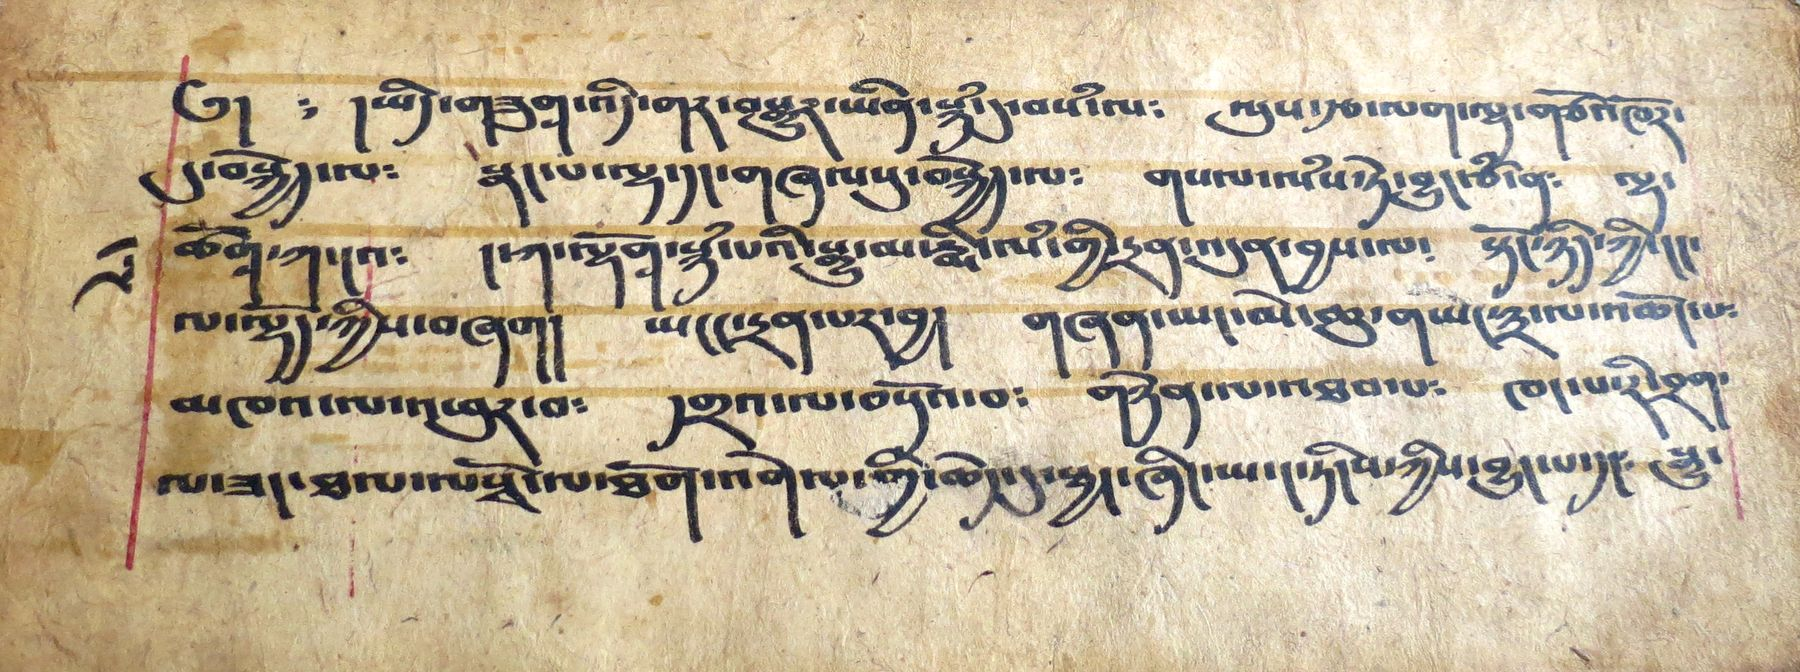ཡིད་གཟུགས་འདི་གར་བསྒྱུར་ཡིན་སྙམ་དུ་བསམ་ལ། ལུས་རྩ་ལག་ལྷ་རུ་གཙོ་འཁོར་
དུ་བསྐྱེད་ལ། སྣང་བ་ལྷ་དང་གཞལ་ཡས་སུ་བསྐྱེད་པས་གསལ་ལམ་གྱི་བྱུང་ཙམ་ན། ལྷ་
ཚོགས་ཀ་ང་། ང་ཀ་ལྷ་ཚོགས་སྙམ་པའི་སྒྱུ་མ་རྨི་ལམ་གྱི་དྲན་འདུན་བྱས་ལ་སྟོང་ཉིད་ཀྱི་ངང་
ལ་ལྷོད་ཀྱིས་ལྷོད་ལ་བཞག ཡང་ཡང་དྲན་པར་བྱ། གཞན་ཡང་མེ་ཆུ་གཡང་གསུམ་ལ་མཆོང་བ། 
མཁའ་ལ་འཕུར་བ། དགྲ་ལ་བསྡོ་བ། གཉེན་ལ་འཐབ་པ། ཁང་པ་རི་བྲག་
ལ་ཟང་ཐལ་ལ་སོགས་ལ་ཐོགས་འགེལ་གྱིས་ཆེད་དུ་སྦྱང་ཞིང་ཡ་ང་ཏིང་གིས་བྱུང་བ་དང་། སྒྱུ་